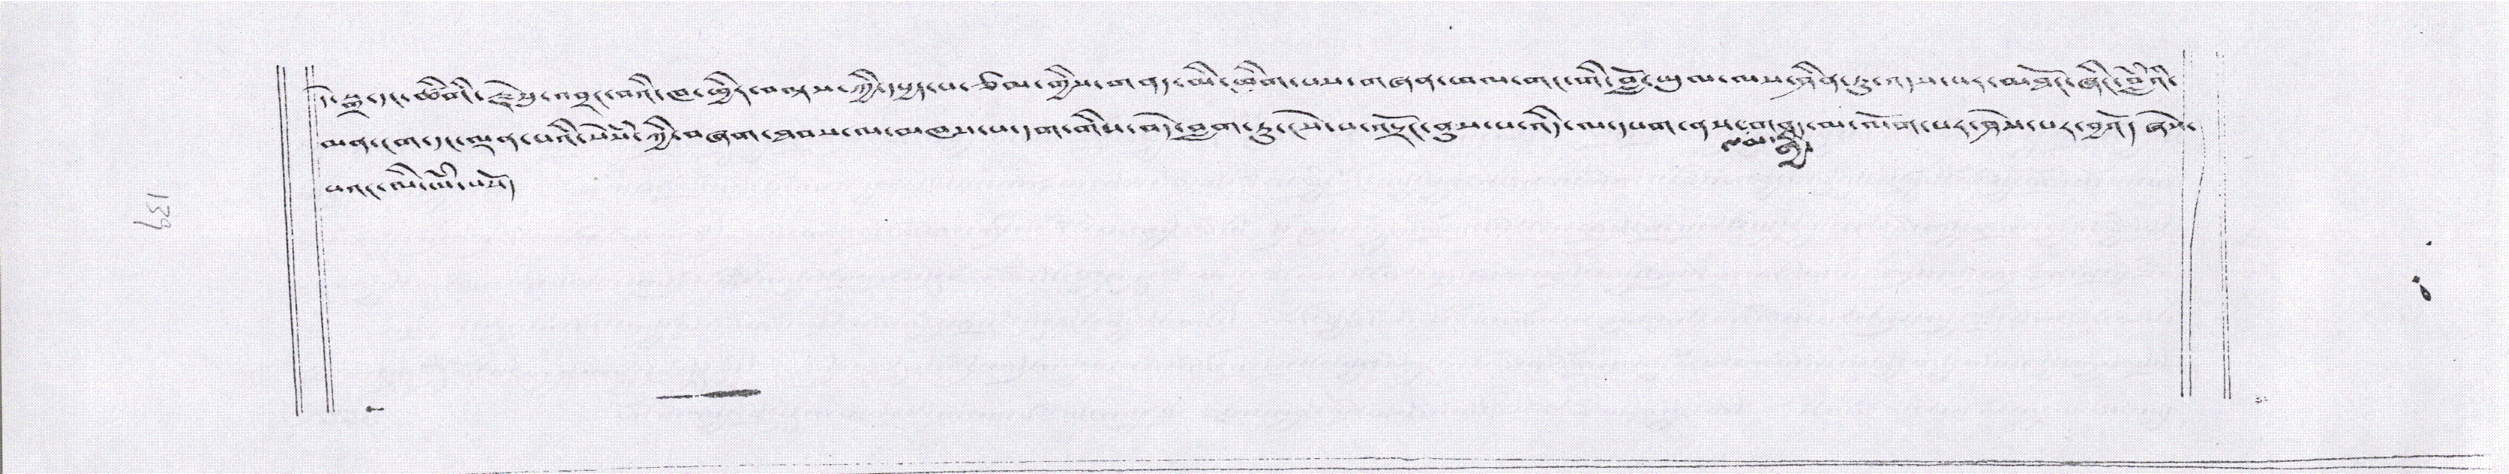དེ་སྒྲ་དང་ཚིག་གི་རྗེས་སུ་འབྲངས་པའི་ཁ་ཕྱིར་བལྟས་ཀྱི་དཔྱད་པ་ཙམ་གྱིས་གནད་མི་ཕིགས་པས་གཞན་ཕལ་གང་གི་བློ་ཡུལ་ལས་ཤིན་ཏུ་འདས་པར་མཐོང་ཞིང་བླ་མའི་
མན་ངག་དང་ལྡན་པའི་སེམས་ཀྱི་བཞག་ཐབས་ལ་མཁས་པ་དག་གིས་བདེ་བླག་ཏུ་ངེས་པ་འདྲོངས་ནུས་པ་འདི་ལ་དཔག་ནས་ལམ་གྱི་གནད་མ་ལོག་པར་ཤེས་པར་བྱའོ། །ཞེས་
པའང་མི་ཕམ་པས་སོ།། །།